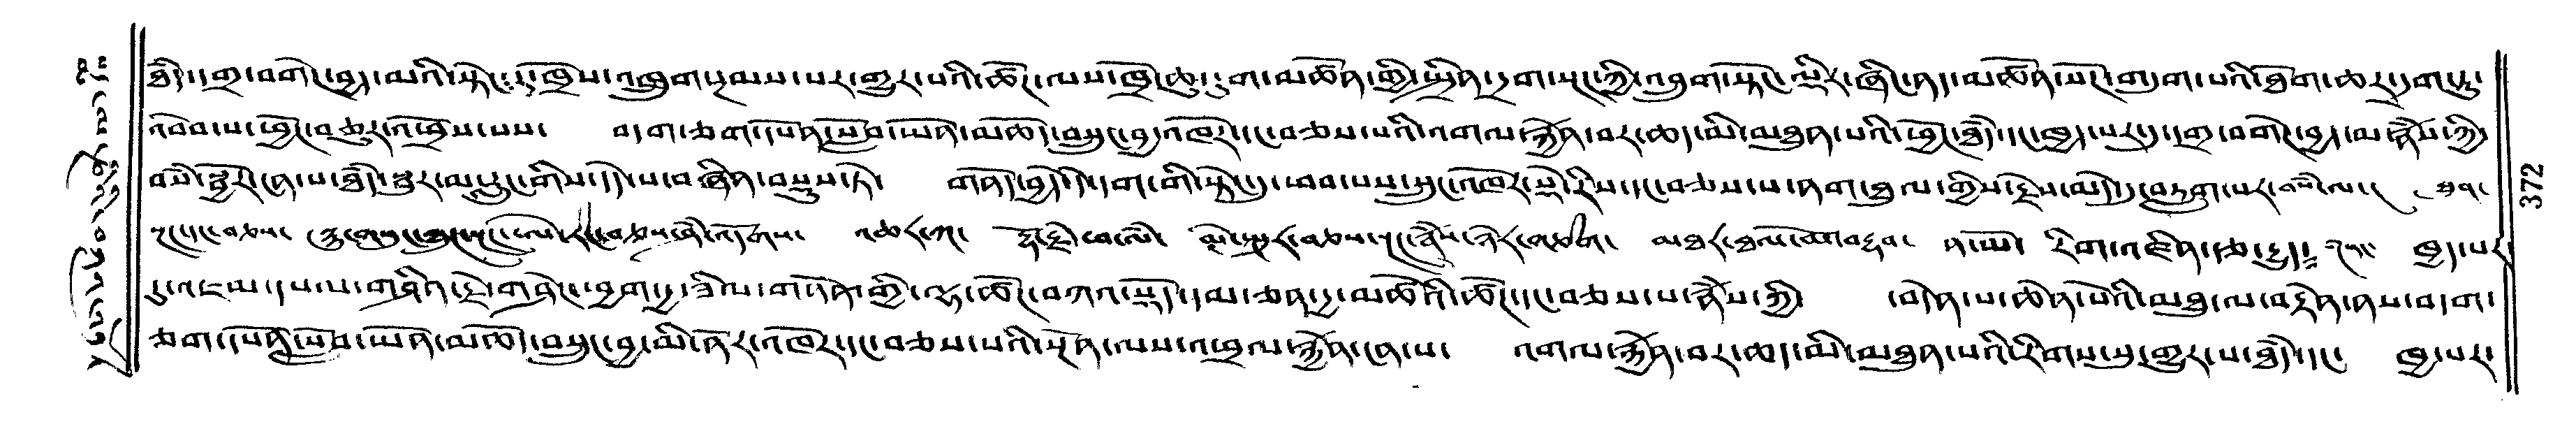ཐམས་ཅད་དགྲ་བགེགས་བྱད་མའི་སྟེང་དུ་ཁྲོས་འཁྲུགས་རྔམས་པར་གྱུར་པའི་ཚོགས་ལས་ཁྲོ་ཆུ་དུག་མཚོན་གྱི་སྤྲིན་དྲག་སྔགས་ཀྱི་འབྲུག་སྟོང་ལྡིར་ཞིང་ནད་མཚོན་སོགས་གདུག་པའི་ཐོག་ཆར་དྲག་ཏུ་
འབེབས་པ་ཕྱོགས་བཅུར་འཕྲོས་པས། བདག་ཅག་དཔོན་སློབ་ཡོན་མཆོད་བསྲུང་བྱ་འཁོར་དང་བཅས་པའི་འགལ་རྐྱེན་བར་ཆད་མི་མཐུན་པའི་ཕྱོགས་ཐམས་ཅད་དང་ཁྱད་པར་དུ་དགྲ་བགེགས་བྱད་མ་རྣམས་ཀྱི་
བསམ་སྦྱོར་ངན་པ་ཐམས་ཅད་སྦུར་མ་རླུང་གིས་དེད་པ་བཞིན་བསྡུས་ཏེ། གནོད་བྱེད་དེ་དག་གི་སྟེང་དུ་ཕབ་པས་དཔུང་འཁོར་སྡེ་རིས་དང་བཅས་པ་ནག་ཐུལ་གྱིས་རྗེས་མེད་དུ་བརླག་པར་བསམ་ལ། ཐུན་
སྔགས་དང་བཅས། སྐུ་གསུང་ཐུགས་སྔགས་ཨེ་རིང་བཅས་གཤམ་འདོགས། འཆར་ཀ རྡོ་རྗེ་ཕ་ལམ། མེ་སྤུར་བཅས་ཀྱི་སྔགས་རྣམས་ཉེར་གཅིག མཐར་ཐལ་མོ་བརྡབ། ན་མོ། རིག་འཛིན་རྩ་བརྒྱུད༴ སོགས་དང་། ཁྱད་པར་
དུ་འཇམ་དཔལ་གཤིན་རྗེ་གཤེད་ཕྱག་རྒྱ་ཟིལ་གནོན་གྱི་ལྷ་ཚོགས་བཀའ་སྡོད་དམ་ཅན་རྒྱ་མཚོའི་ཚོགས་དང་བཅས་པ་རྣམས་ཀྱི་བདེན་པ་སྟེ། བདེན་པ་ཆེན་པོའི་མཐུ་ལ་བརྟེན་ནས་བདག་
ཅག་དཔོན་སློབ་ཡོན་མཆོད་བསྲུང་བྱ་མི་ནོར་འཁོར་དང་བཅས་པའི་སྔོན་ལས་འཕྲལ་རྐྱེན་ངན་པ། འགལ་རྐྱེན་བར་ཆད་མི་མཐུན་པའི་རིགས་སུ་གྱུར་པ་ཐམས་ཅད་དང་། ཁྱད་པར་